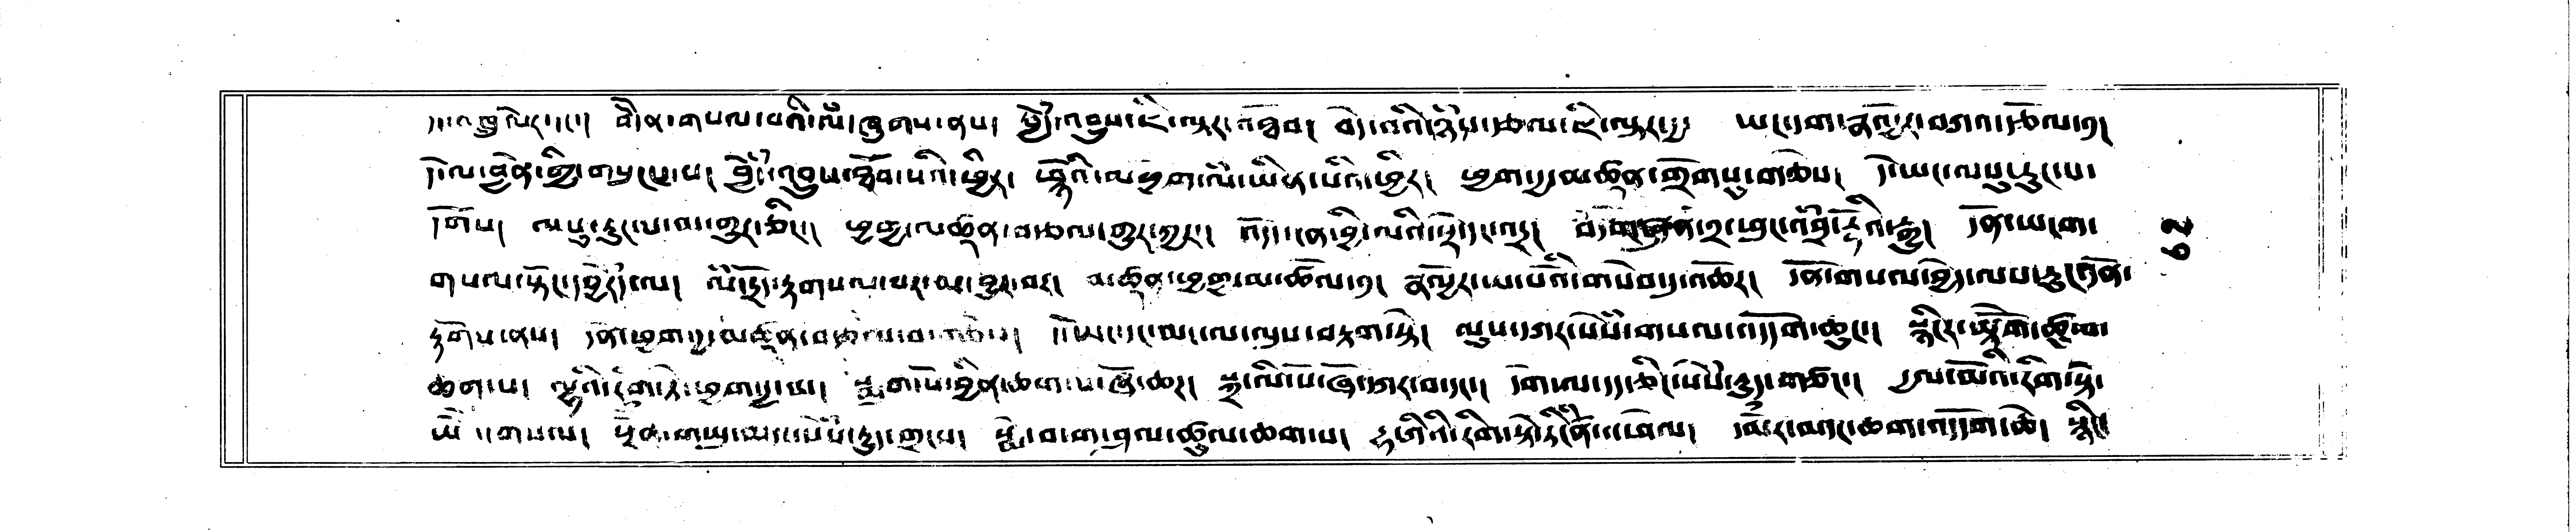དང་འཁྲུལ་འཁོར་དང་། བདེ་ཆེན་གསལ་བའི་ལམ་ཞུགས་ནས། བླ་མེད་འབྲས་བུ་ཇི་ལྟར་འཐོིབ། བདེ་བའི་ཉམས་རྩལ་ཇི་ལྟར་རྒྱ། ཡང་དག་རྣལ་འབྱོར་བཀའ་སྩོལ་ཅིག 
དེ་ལ་བླ་ཆེན་གྱིས་གསུངས་པ། བླ་མེད་འབྲས་བུ་ཐོབ་པའི་ཕྱིར། ཕོ་ཉའི་མགྱོགས་ལམ་ཡིན་པའི་ཕྱིར། ཕྱག་རྒྱ་མཚན་ལྡན་གྲོགས་སུ་གཅེས། དེ་ཡང་ལས་སུ་རུང་བ་
དགོས། ལས་སུ་རུང་བ་མ་གྱུར་ཅིང་། ཕྱག་རྒྱ་མཚན་ལྡན་བཙལ་གྱུར་ཀྱང་། འདོད་ངན་བྱི་ལའི་སྡེ་དང་འདྲ། བདག་གཞན་གཉིས་ཕུང་འགྲམ་རྡོའི་རྒྱུ། དོན་ཡང་དག་
གསལ་སྟོང་དབྱེར་མེད་ལ། ལམ་དྲོད་རྟགས་གསལ་བར་མ་བྱུང་བར། མཚན་ལྡན་ཕྱག་རྒྱ་མ་ཚོལ་ཅིག རྣལ་འབྱོར་ཡ་པོའི་གསེབ་ཏུ་འཆོར། དོན་གསལ་བྱེད་ལས་རུང་དོན་
རྟོགས་ནས། དོན་ཕྱག་རྒྱ་མཚན་ལྡན་བཙལ་བ་གཅེས། དེ་ཡང་དང་མིང་ལ་ལུས་བརྟགས་ཏེ། ལུས་དཀར་སེམས་གསལ་འདོད་ཆགས་ཆུང་། སྙིང་གར་མེ་ཏོག་ཚུལ་
ཆགས་པ། ལྷའི་རིགས་ཏེ་ཕྱག་རྒྱ་མ། སྨུག་པོ་བྱིན་ཆགས་ས་ཞོ་ཆགས། སྐྲ་ལི་སོ་ཞོ་དཀར་བ་དང་། དགེ་ལ་དད་ཅིང་སེམས་རྒྱུད་གཙང་། རྒྱལ་མོའི་རིགས་ཏེ་
ཡེ་ཤེས་གསལ། སྔོན་མོ་གཡུ་མདངས་སེམས་རྒྱུད་དྲང་། སྨེ་བ་ག་ཤལ་ཚུལ་ཆགས་པ། དྷ་ཀིའི་རིགས་ཏེ་ཏིང་འཛིན་འཕེལ། དམར་མོ་མདངས་ཆགས་འདོད་ཆགས་ཆེ། སྙིང་རྗེ་